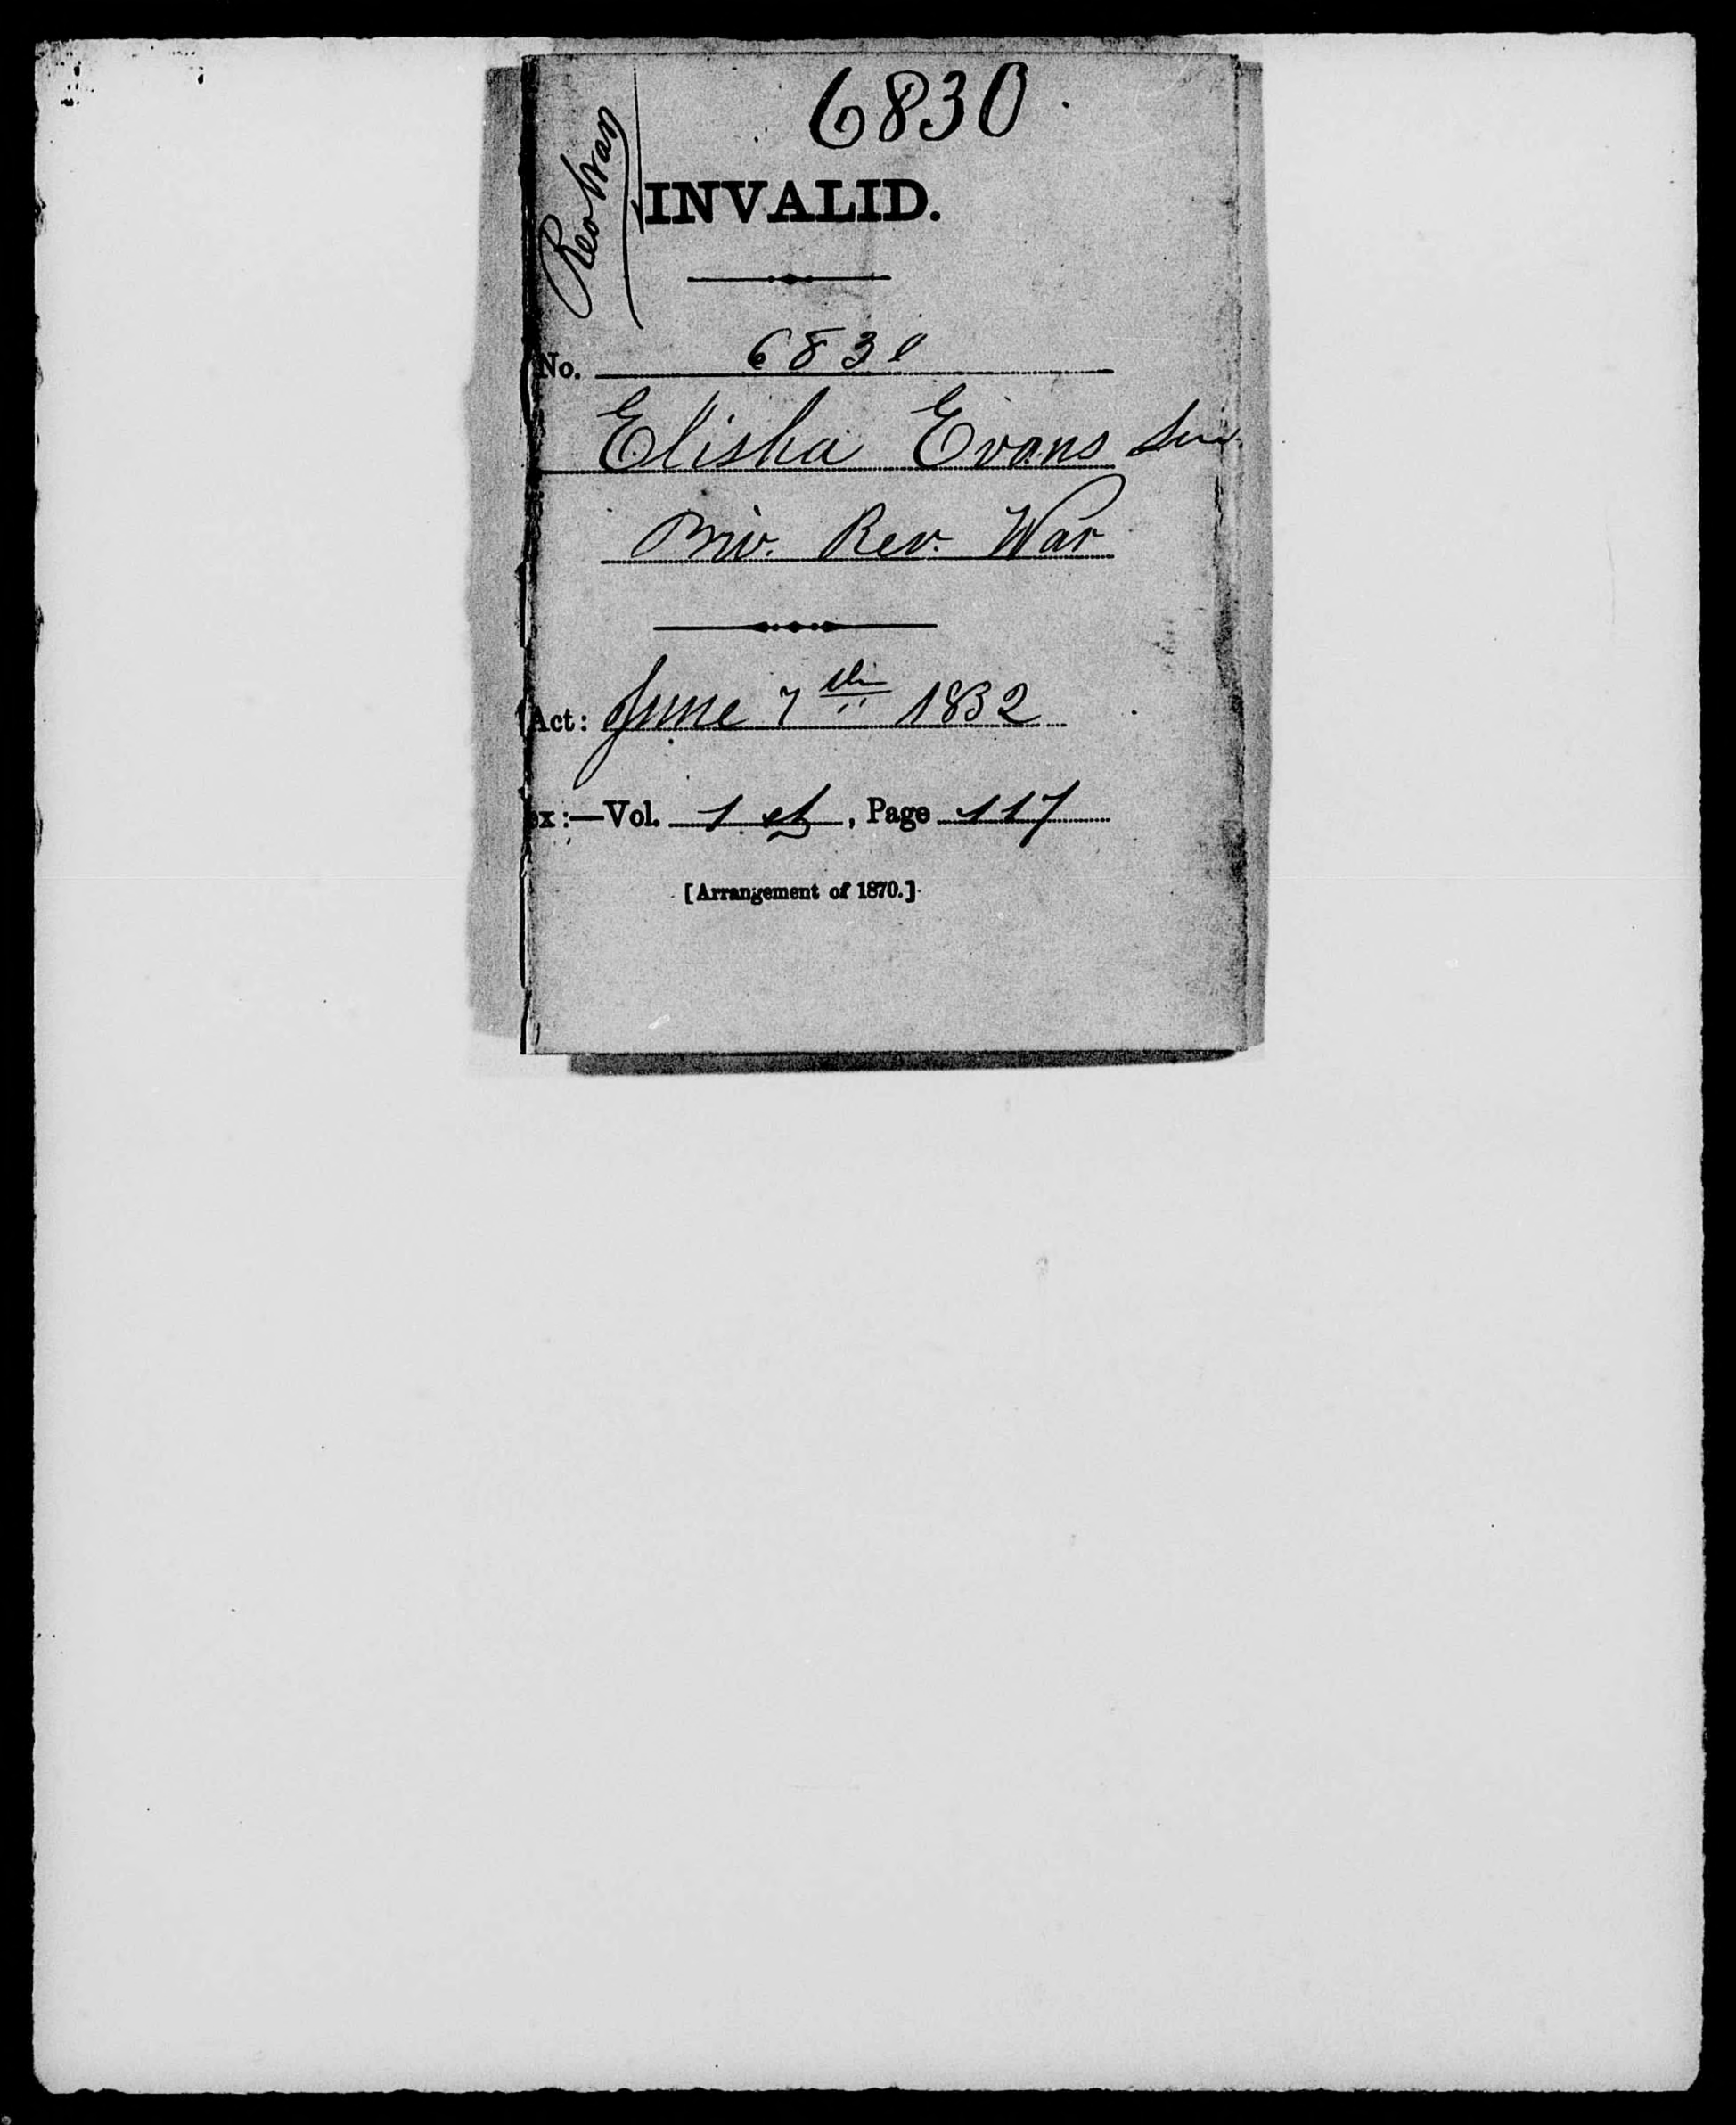[Printed document with handwritten entries]

Rev War
6830
INVALID
No. 6830
Elisha Evans Senr Pri. Rev. War
Act: June 7th 1832
Index-Vol. 1 [illegible], Page 117
[Arrangement of 1870.]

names: Elisha Evans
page: 20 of 29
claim: survivor's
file: S. 6830, Elisha Evans, N.C.